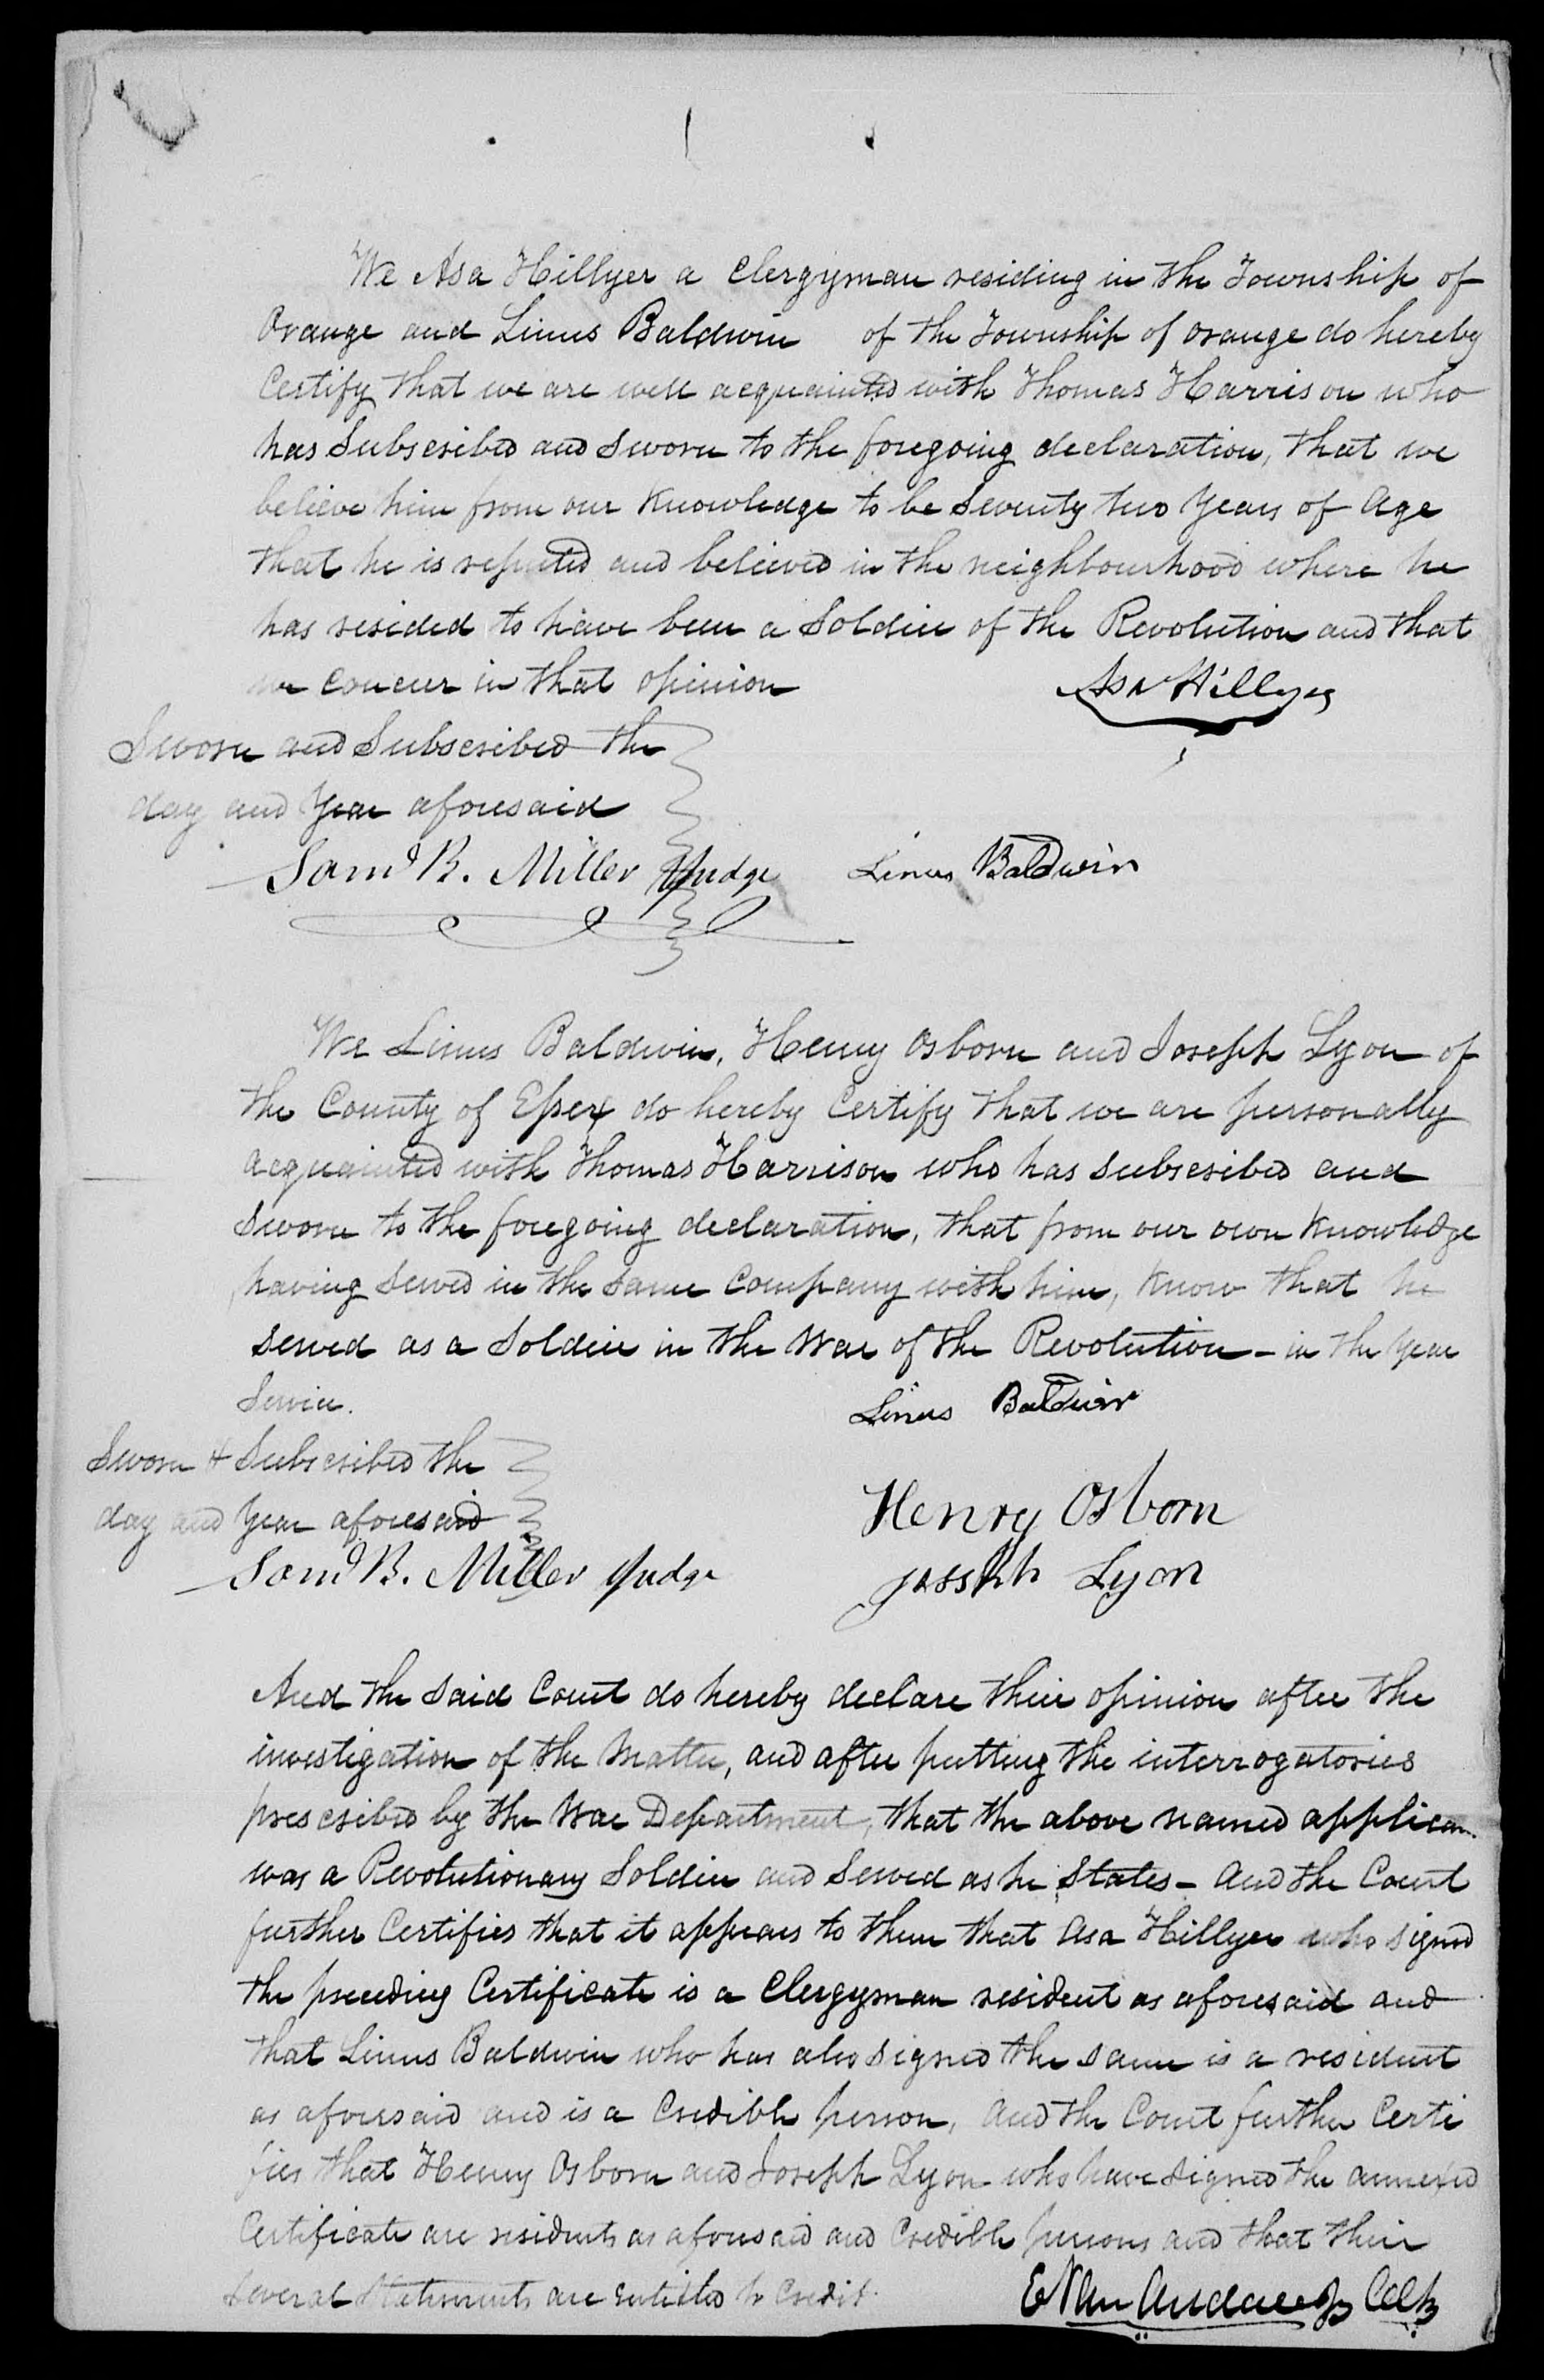We Asa Hillyer a clergyman residing in the Township of Orange and Lynas Baldwin of the Township of Orange do hereby certify that we are well acquainted with Thomas Harris on who has Subscribed and sworn to the foregoing declarations that we believe him from our knowledge to be Seventy two years of age that he is respected and believed in the neighborhood where he has resided to have been a Soldier of the Revolution and that we concur in that opinion.

Asa Hillyer
Lynus Baldwin

Sworn and Subscribed the day and year aforesaid
Samuel B. Miller Judge

[Illegible] the said Court to hereby declare their opinion after the investigation of the Matter, and after putting the interrogations prescribed by the War Department that the above named applicant was a Revolutionary Soldier and Served as he States and the Court further certifies that it appears to them that Asa Hillyer who signed the preceding Certificate is a Clergyman resident as aforesaid and that Linus Baldwin who has also  signed [illegible] is a resident as aforesaid and is a credible person, and the Court further certifies that Henry Osborn and Joseph Lyon who also signed the [illegible] Certificate are residents as aforesaid and Credible persons and that their several statements are entitled to credit.

Ethan [illegible] Clerk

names: Joseph Lyon, Joseph Lyon, Linus Baldwin, Asa Hillyer, Asa Hillyer, Saml B Miller, Linus Baldwin, Linus Baldwin, E Van Arsdale, Linus Baldwin, Henry Osborn, Asa Hillyer, Henry Osborn, Thomas Harrison, Thomas Harrison, Linus Baldwin, Joseph Lyon, Henry Osborn, Saml B Miller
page: 5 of 15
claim: survivor's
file: S. 883, Thomas Harrison, New Jersey